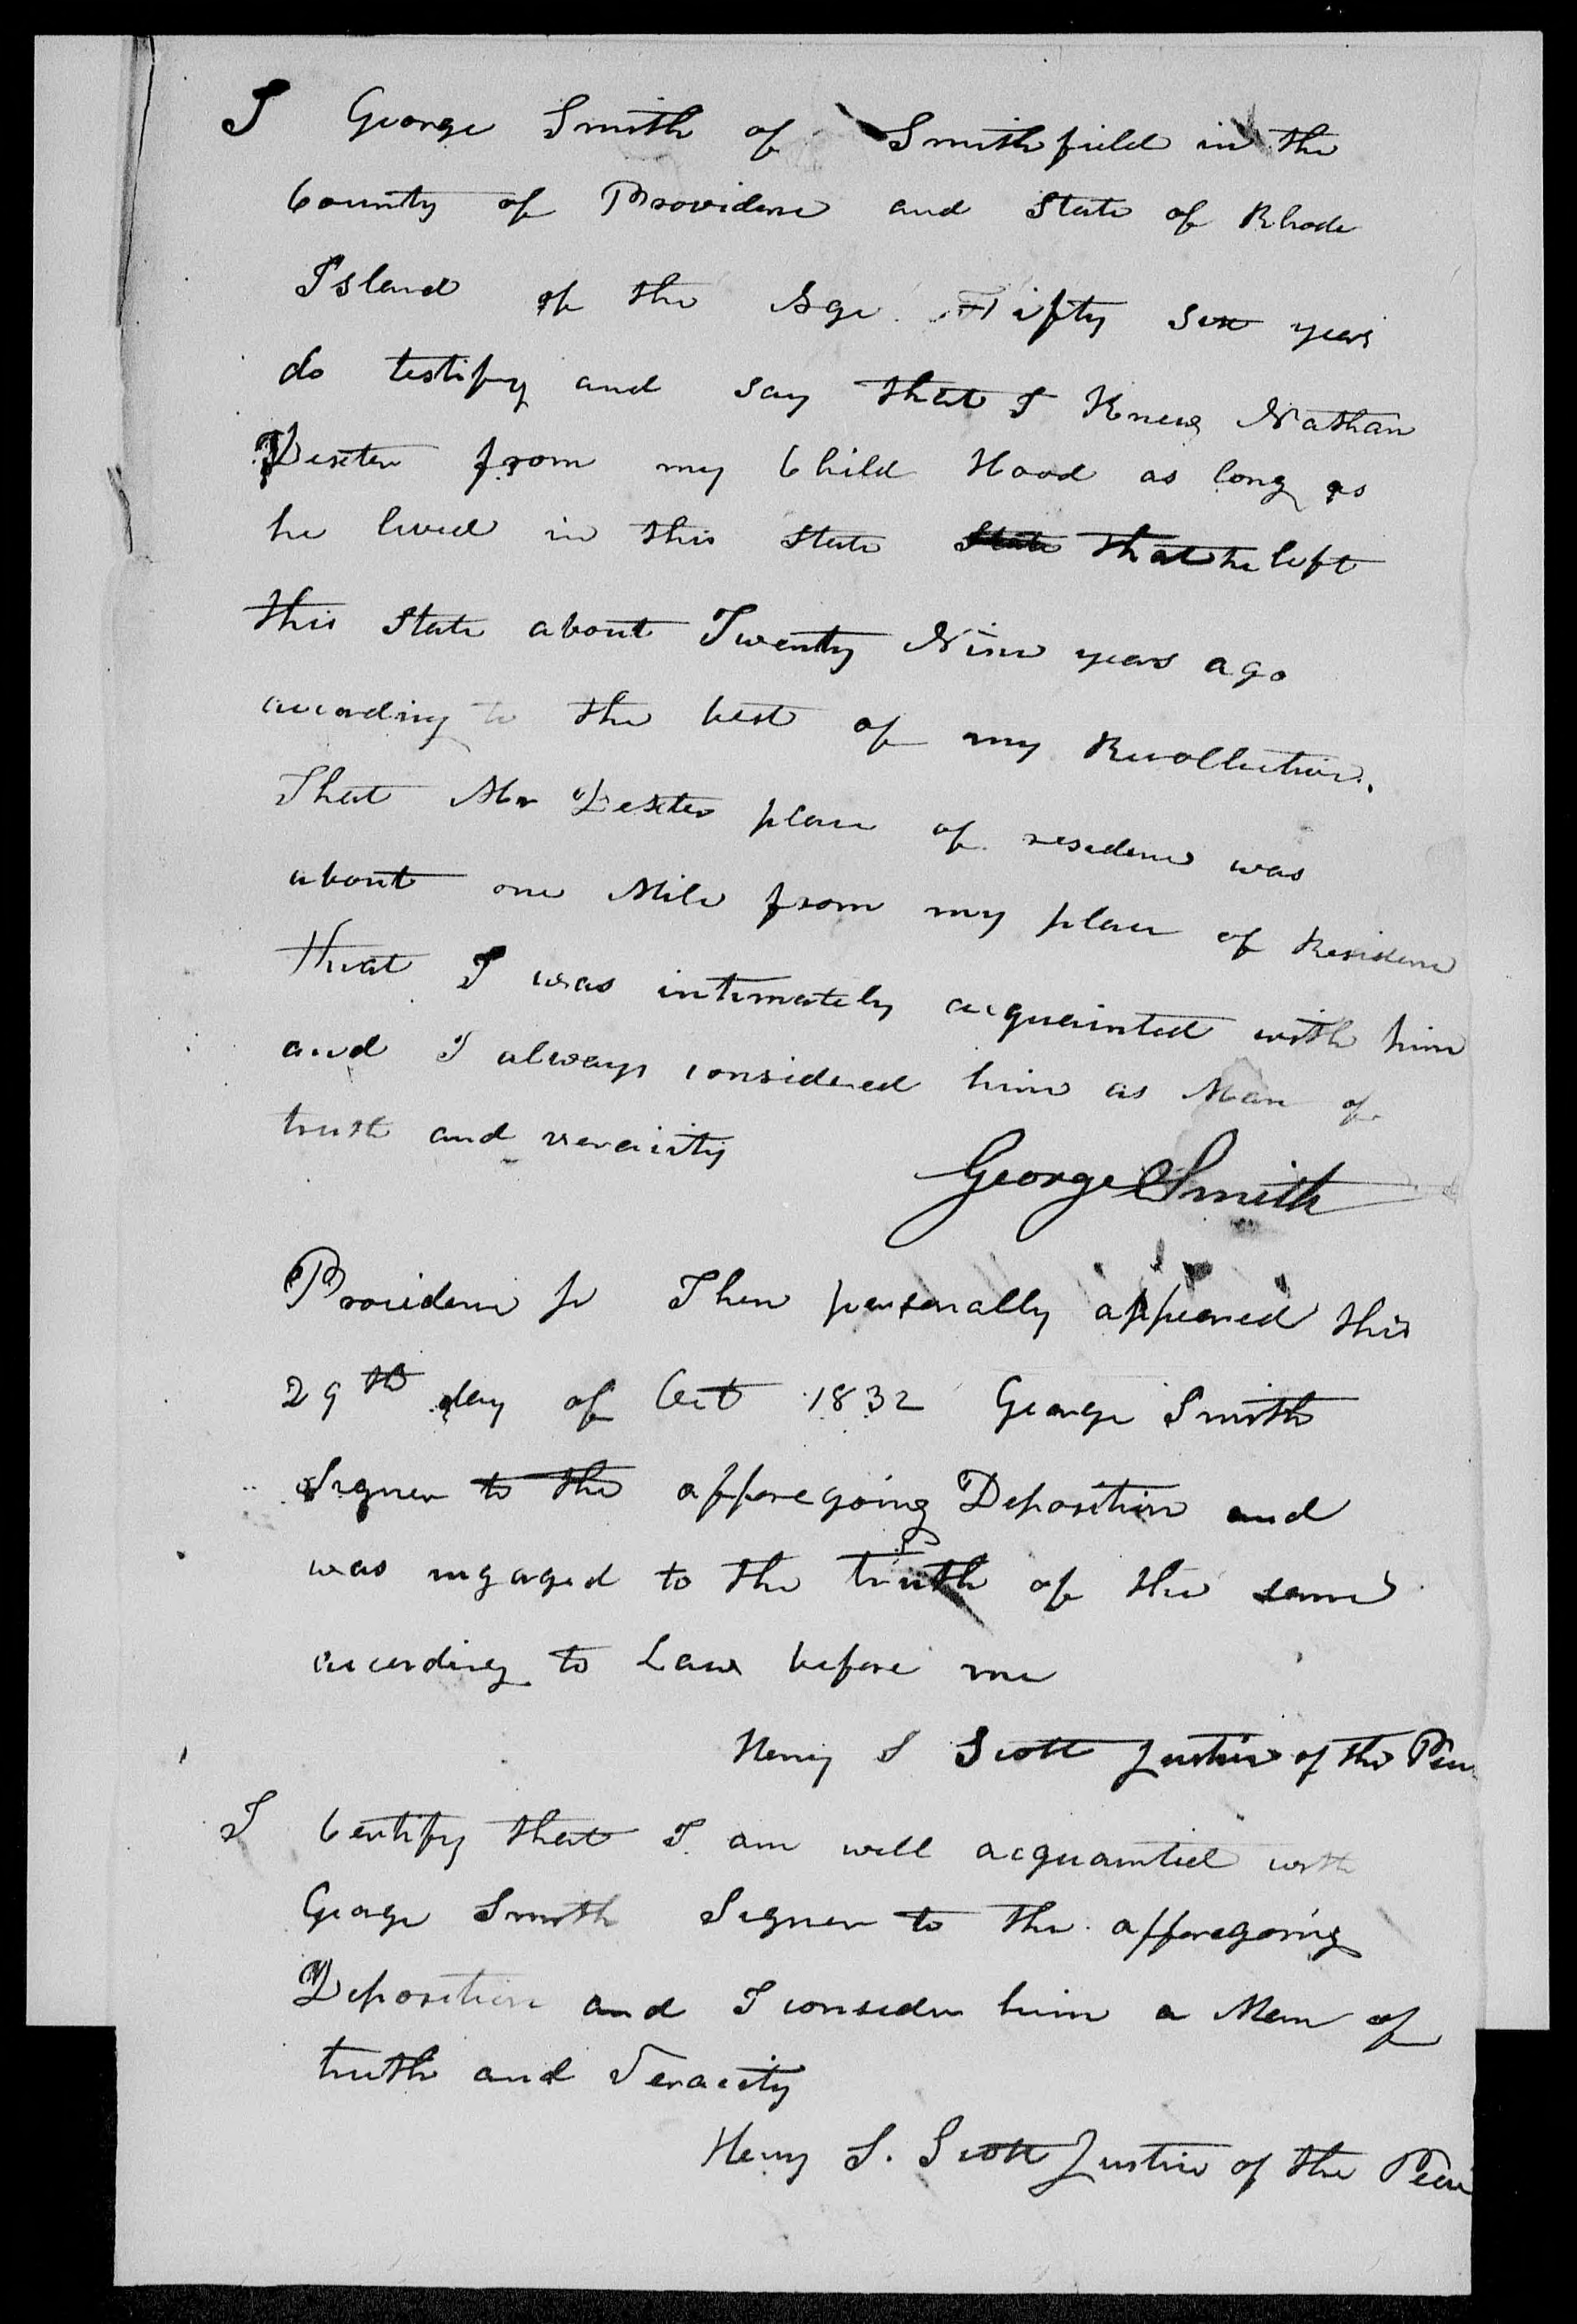I George Smith of Smithfield in the
County of Providence and State of Rhode
Island of the age of fifty six year do testify and say that I knew Nathan Dexter from my child hood as long as he lived in this state  that he left this State about twenty nine years ago
according to the best of my recollection.
That Mr Dexter place of residence that was about one mile from my place of residence that I was intimately acquainted with him
and I always considered him as man of truth and veracity
George Smith
Providence ss  Then personally appeared this
29th day of Oct 1832 George Smith signer to the aforegoing Deposition and was engaged to the truth of the same according to Law before me
Henry S Scott Justice of the Peace
I Certify that I am well acquainted with
George Smith signer to the afforegoing [aforefoing] Deposition and I consider him a man of truth and veracity
Henry S. Scott Justice of the Peace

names: Nathan Dexter, Dexter, Henry S Scott, Henry S Scott, George Smith, George Smith, Nathan Dexter, George Smith, George Smith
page: 27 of 35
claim: survivor's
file: S. 18374, Nathan Dexter, R.I.